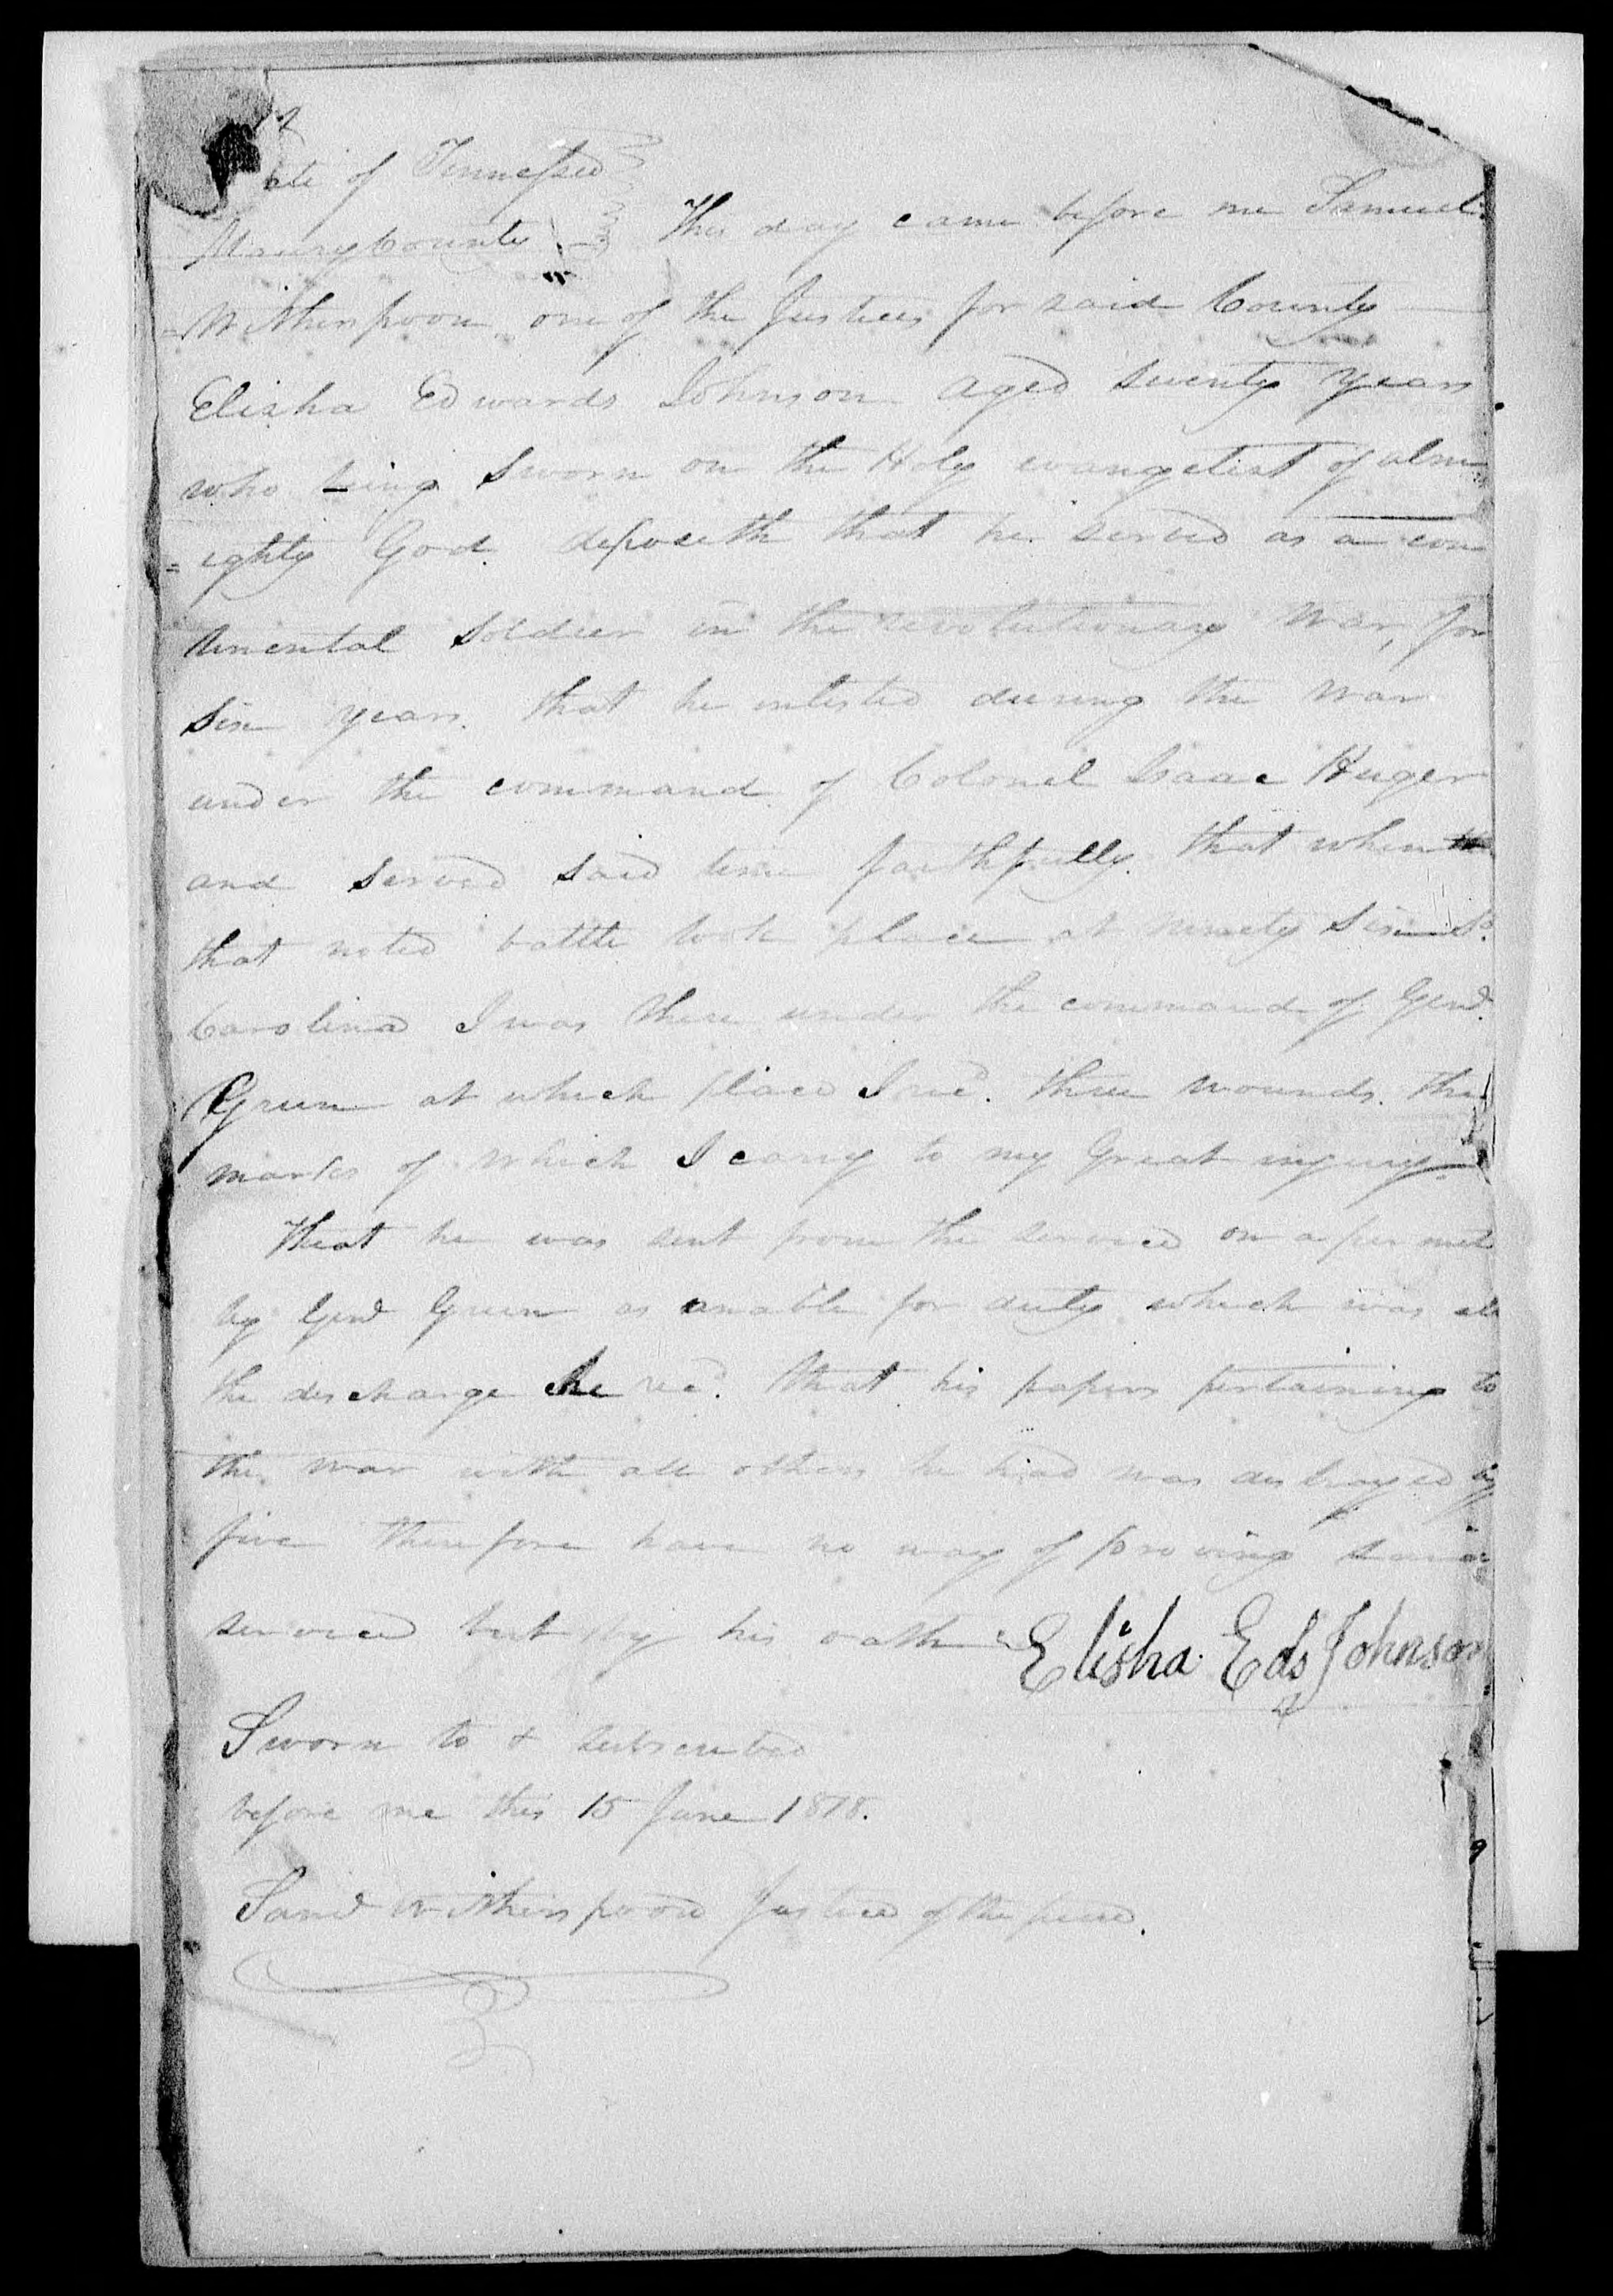State of Tennessee}
Maury County}
This day came before me Samuel Witherspoon one of the Justices for said County Elisha Edwards Johnson aged Seventy years who being Sworn on the Holy evangelist of almighty God deposeth that he served as a continental Soldier in the revolutionary war, for six years, that he enlisted during the war under the command of Colonel Isaac Huger and served said term faithfully, that when that noted battle took place at Ninety Six in So. Carolina I was then under the command of Genl. Green at which place I recd. three wounds, the marks of which I carry to my Great injury.
That he was sent from the service on a permit by Genl Green as unable for duty which was all the discharge he recd. that his papers pertaining to the war with all others he had was destroyed by fire therefore have no way of proving said service but by his oath        Elisha Eds Johnson

Sworn to & Subscribed
before me this 15 June 1818.
Saml Witherspoon Justice of the peace.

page: 7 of 9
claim: survivor's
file: S. 38885, for Elisha Edwards Johnson, South Carolina